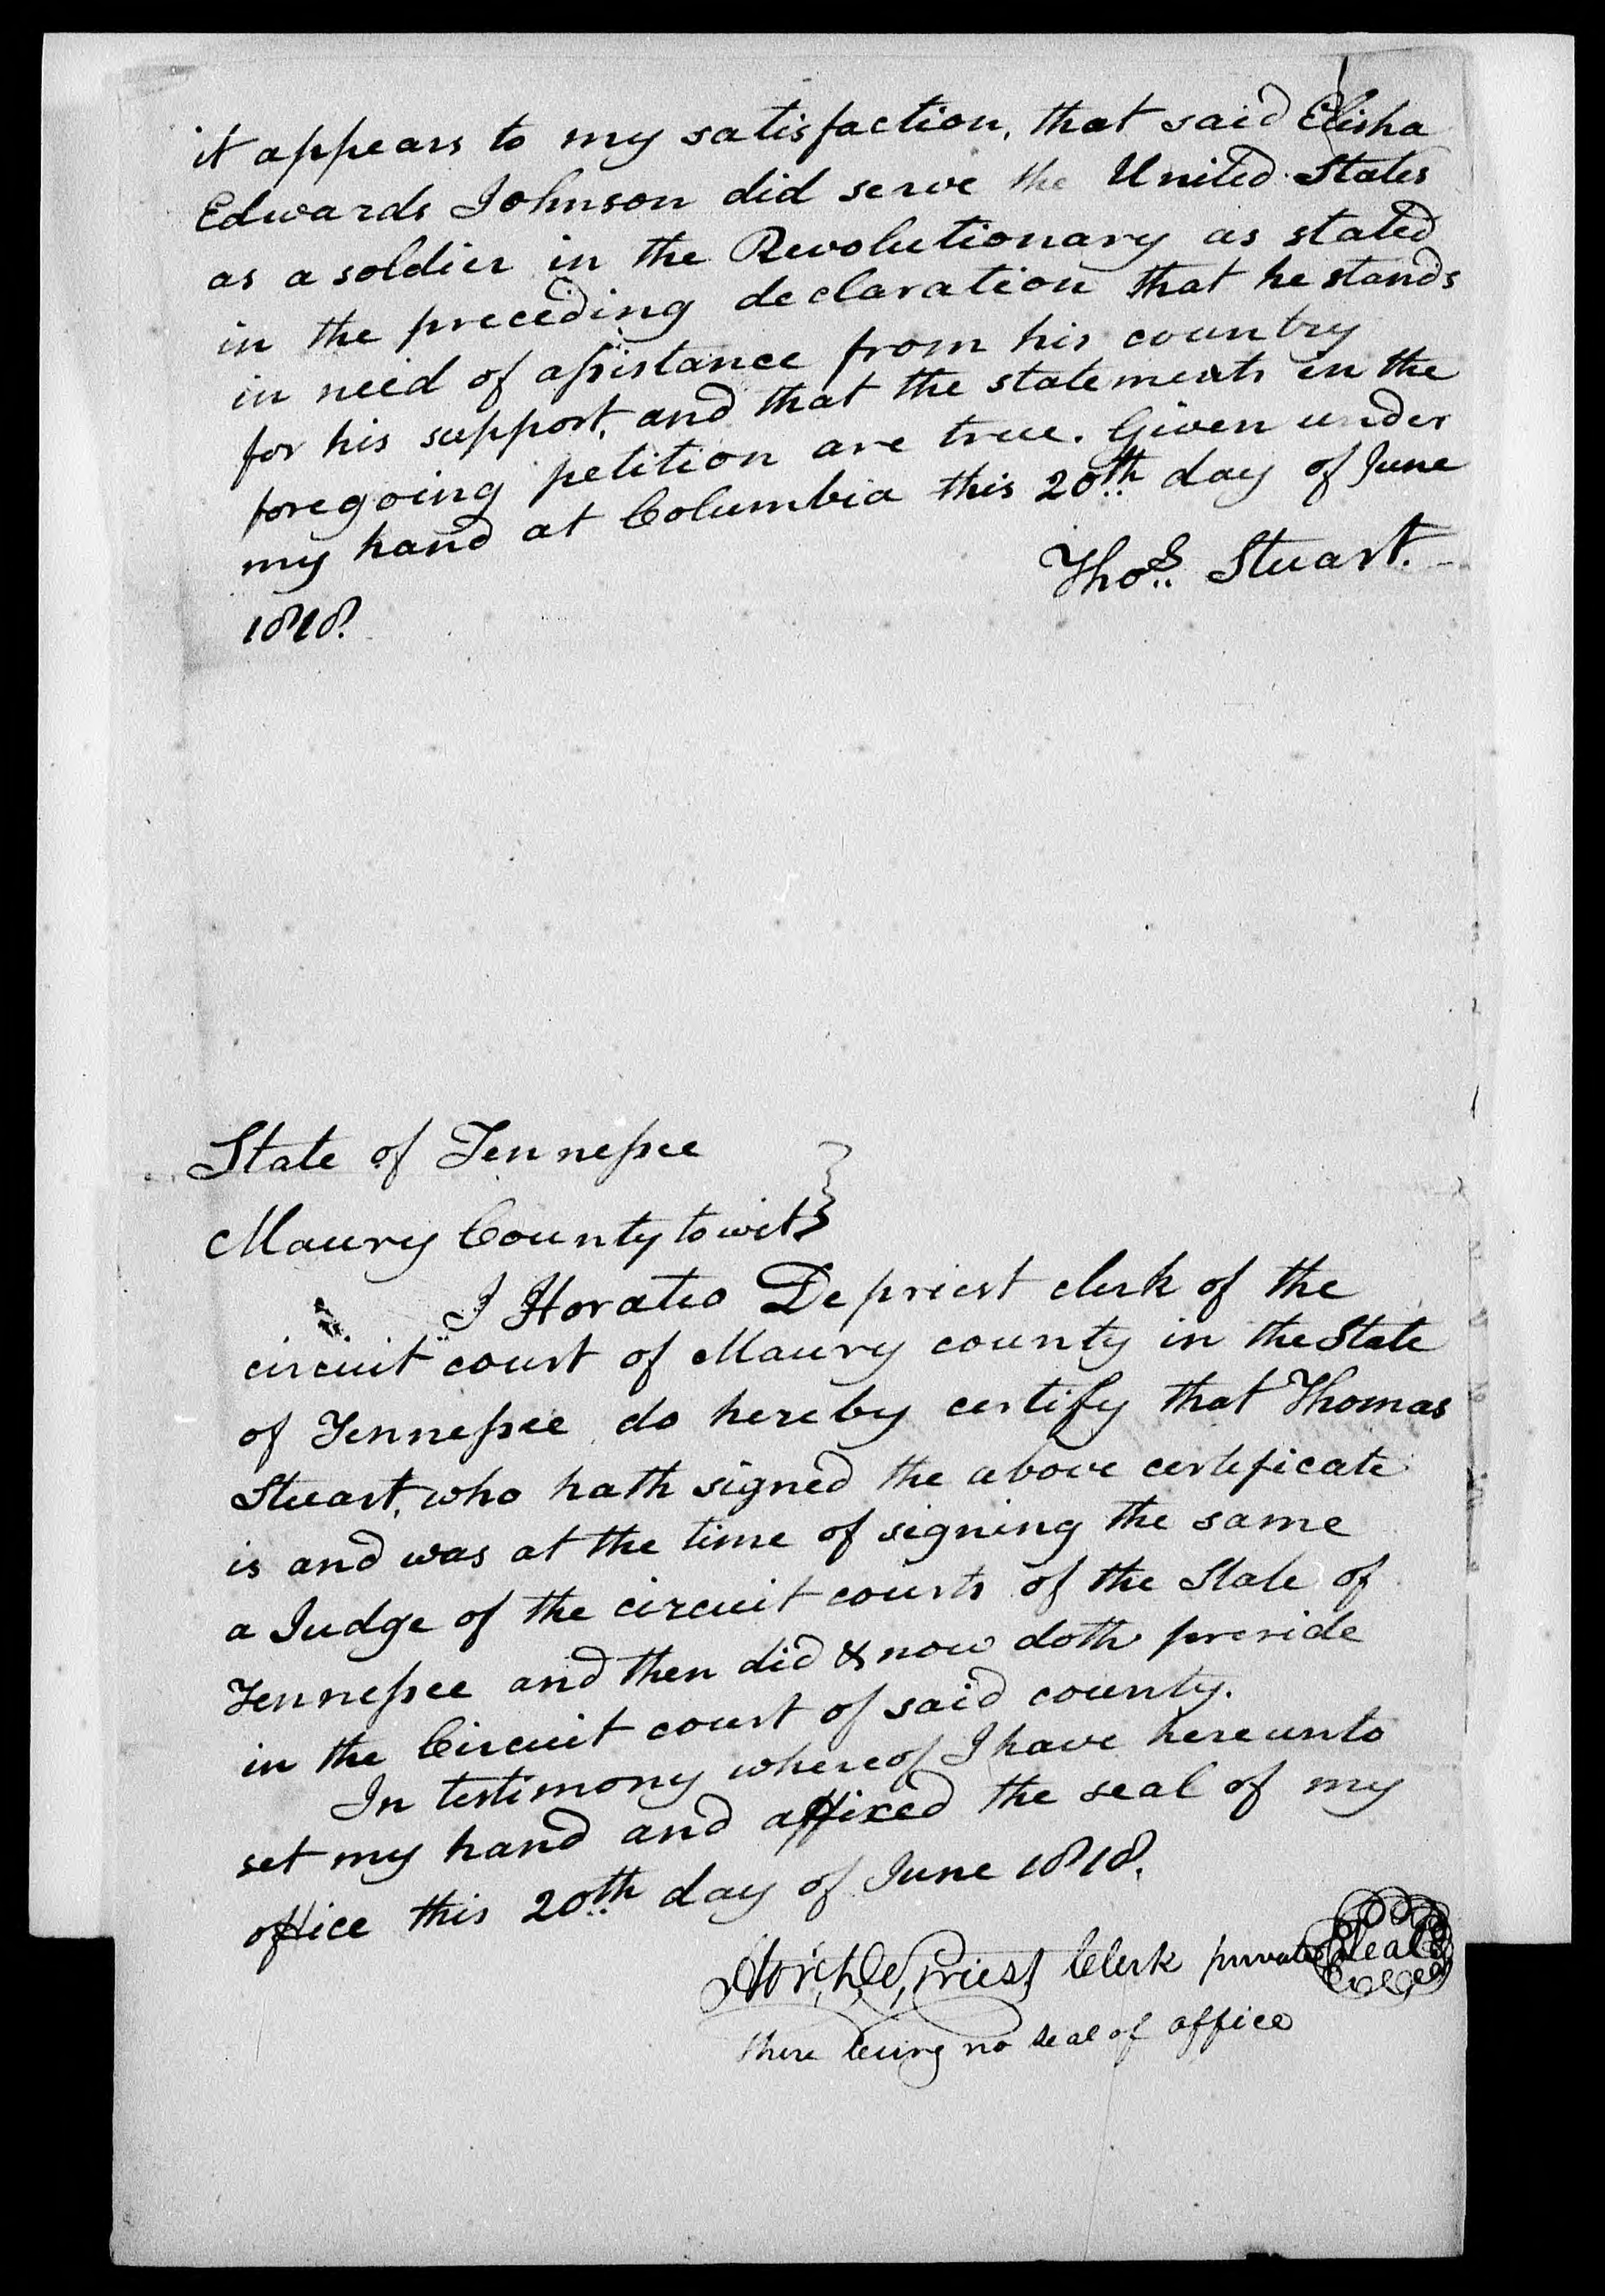it appears to my satisfaction, that said Elisha Edwards Johnson did serve the United States as a soldier in the Revolutionary as stated in the preceding declaration that he stands in need of assistance from his country for his support, and that the statements in the foregoing petition are true.  Given under my hand at Columbia this 20th day of June 1818.
Thos. Stuart.


State of Tennessee}
Maury County to wit}

I Horatio Depriest clerk of the circuit court of Maury county in the State of Tennessee do hereby certify that Thomas Stuart, who hath signed the above certificate is and was at the time of signing the same a Judge of the circuit courts of the State of Tennessee and then did & now doth preside in the Circuit court of said county.
In testimony whereof I have hereunto set my hand and affixed the seal of my office this 20th day of June 1818.

Hora. DePriest Clerk private Seal
there being no seal of office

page: 5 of 9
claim: survivor's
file: S. 38885, for Elisha Edwards Johnson, South Carolina